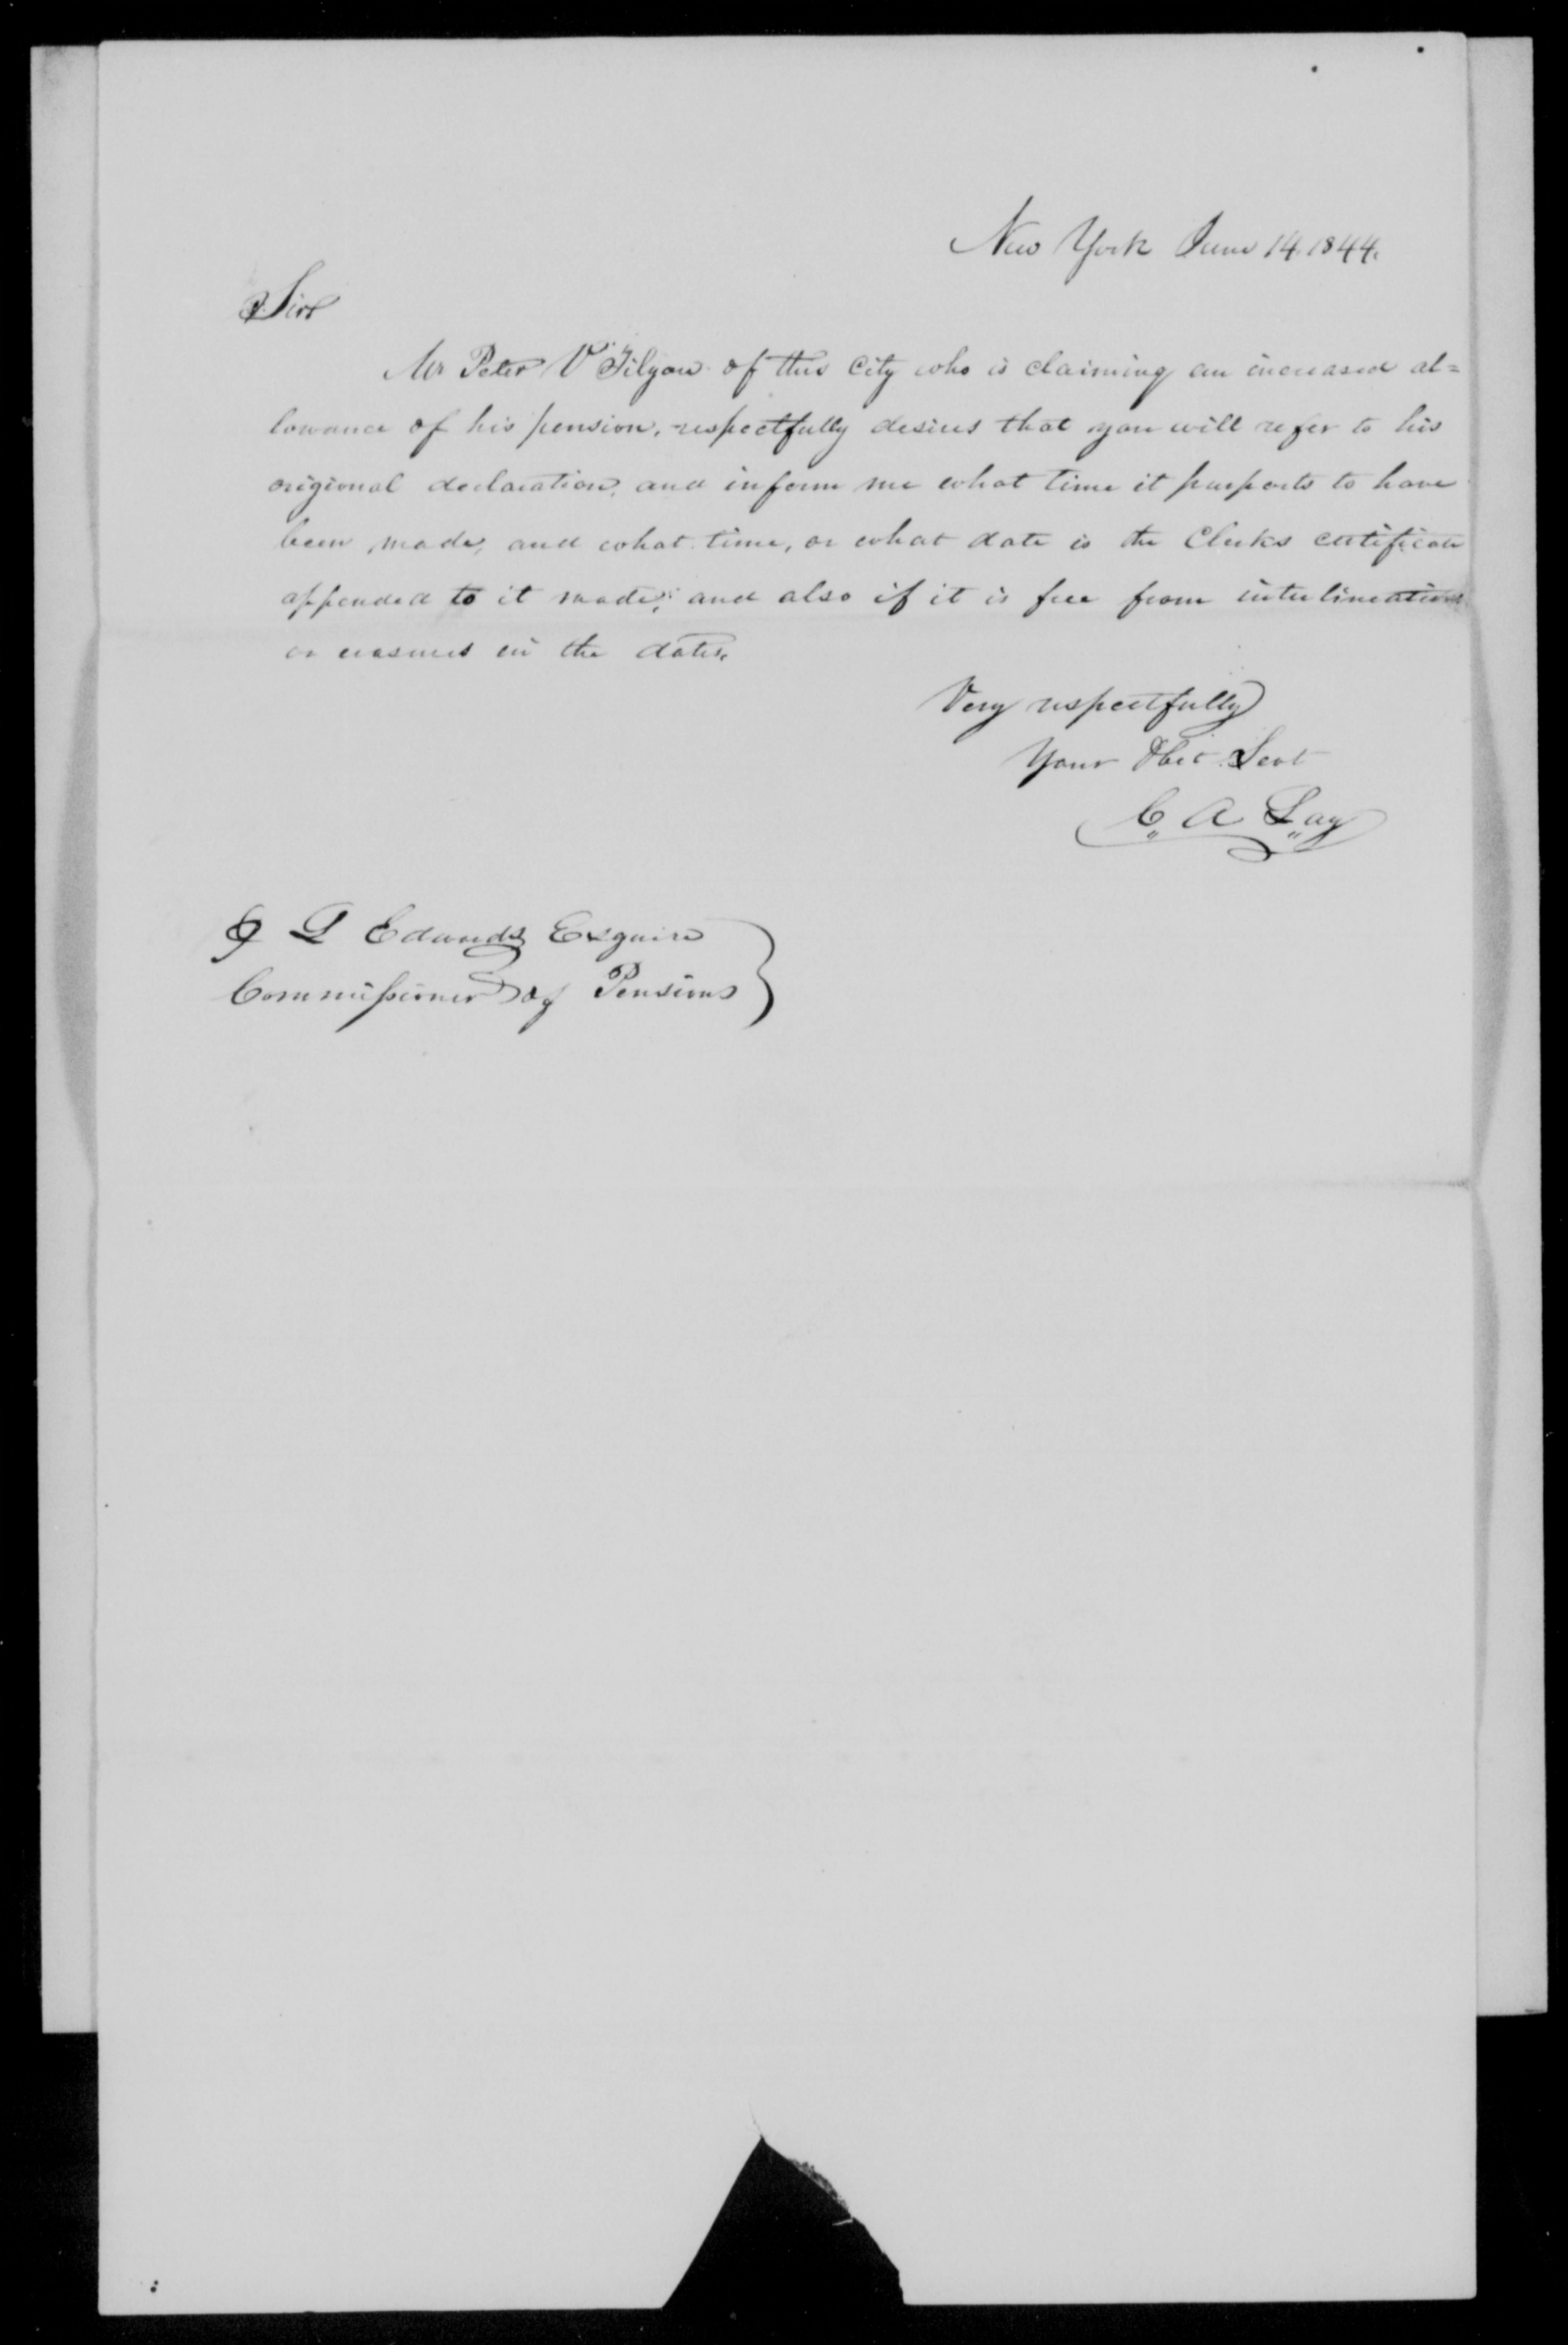New York June 14 1844.

Sir,

Mr. Peter Tilyou of this City who is claiming an increased allowance of his pension, respectfully desires that you will refer to his original declaration and inform me what time it purports to have been made, and what time, or what date is the Clerks certificate appended to it made; and also if it is free from interlineations as [assured?] in the dates.

Very respectfully
Your Obed Sevt
C A Lay 


J L Edwards Esquire
Commissioner of Pensions }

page: 75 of 101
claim: widow's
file: W. 25481, for Peter V Tilyou, New Jersey